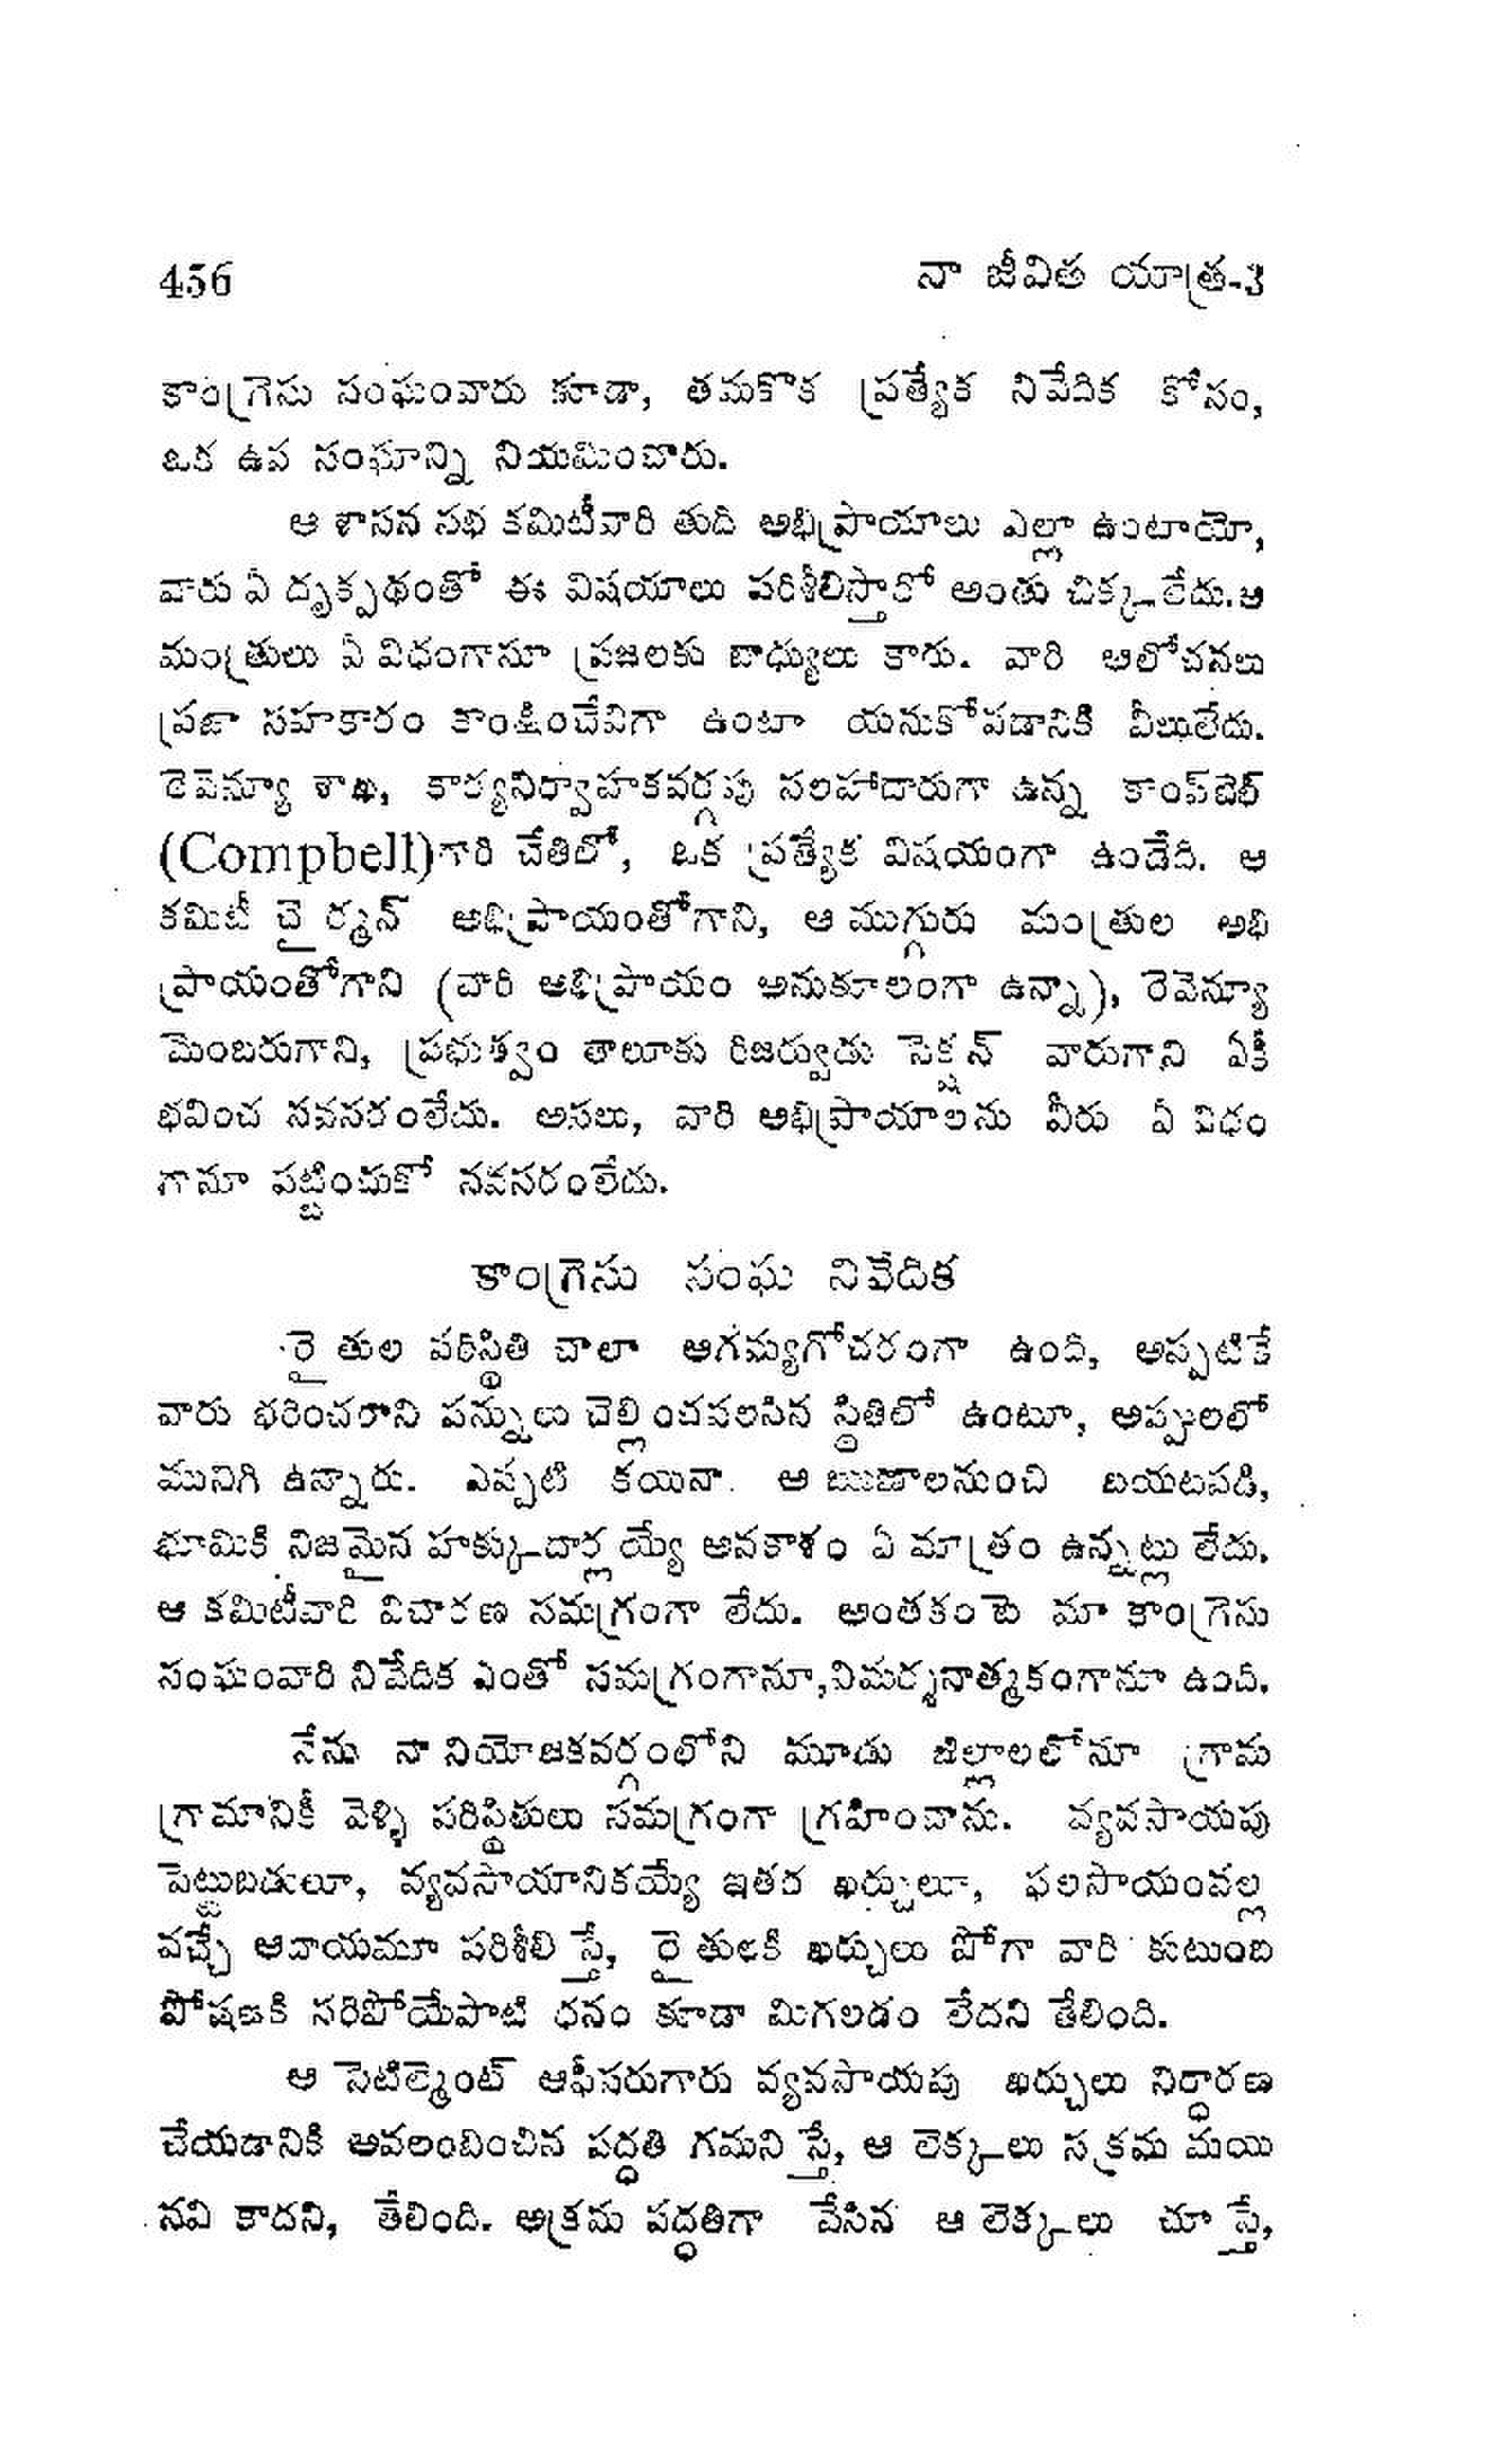కాంగ్రెసు సంఘంవారు కూడా, తమకొక ప్రత్యేక నివేదిక కోసం, ఒక ఉప సంఘాన్ని నియమించారు.

ఆ శాసన సభ కమిటీవారి తుది అభిప్రాయాలు ఎల్లా ఉంటాయో, వారు ఏ దృక్పథంతో ఈ విషయాలు పరిశీలిస్తారో అంతు చిక్కలేదు. ఆ మంత్రులు ఏ విధంగానూ ప్రజలకు బాధ్యులు కారు. వారి ఆలోచనలు ప్రజా సహకారం కాంక్షించేవిగా ఉంటా యనుకోవడానికి వీలులేదు. రెవెన్యూ శాఖ, కార్యనిర్వాహకవర్గపు సలహాదారుగా ఉన్న కాంప్‌బెల్ (Compbell) గారి చేతిలో, ఒక ప్రత్యేక విషయంగా ఉండేది. ఆ కమిటీ చైర్మన్ అభిప్రాయంతోగాని, ఆ ముగ్గురు మంత్రుల అభిప్రాయంతోగాని (వారి అభిప్రాయం అనుకూలంగా ఉన్నా), రెవెన్యూ మెంబరుగాని, ప్రభుత్వం తాలూకు రిజర్వుడు సెక్షన్ వారుగాని ఏకీభవించ నవసరంలేదు. అసలు, వారి అభిప్రాయాలను వీరు ఏ విధంగానూ పట్టించుకో నవసరంలేదు.

రైతుల పరిస్థితి చాలా అగమ్యగోచరంగా ఉంది, అప్పటికే వారు భరించరాని పన్నులు చెల్లించవలసిన స్థితిలో ఉంటూ, అప్పులలో మునిగి ఉన్నారు. ఎప్పటి కయినా ఆ ఋణాలనుంచి బయటపడి, భూమికి నిజమైన హక్కుదార్లయ్యే అవకాశం ఏ మాత్రం ఉన్నట్లు లేదు. ఆ కమిటీవారి విచారణ సమగ్రంగా లేదు. అంతకంటె మా కాంగ్రెసు సంఘంవారి నివేదిక ఎంతో సమగ్రంగానూ, విమర్శనాత్మకంగానూ ఉంది.

నేను నా నియోజకవర్గంలోని మూడు జిల్లాలలోనూ గ్రామ గ్రామానికీ వెళ్ళి పరిస్థితులు సమగ్రంగా గ్రహించాను. వ్యవసాయపు పెట్టుబడులూ, వ్యవసాయానికయ్యే ఇతర ఖర్చులూ, ఫలసాయంవల్ల వచ్చే ఆదాయమూ పరిశీలిస్తే, రైతులకి ఖర్చులు పోగా వారి కుటుంబపోషణకి సరిపోయేపాటి ధనం కూడా మిగలడం లేదని తేలింది.

ఆ సెటిల్మెంట్ ఆఫీసరుగారు వ్యవసాయపు ఖర్చులు నిర్ధారణ చేయడానికి అవలంబించిన పద్ధతి గమనిస్తే, ఆ లెక్కలు సక్రమ మయినవి కాదని, తేలింది. అక్రమ పద్ధతిగా వేసిన ఆ లెక్కలు చూస్తే,